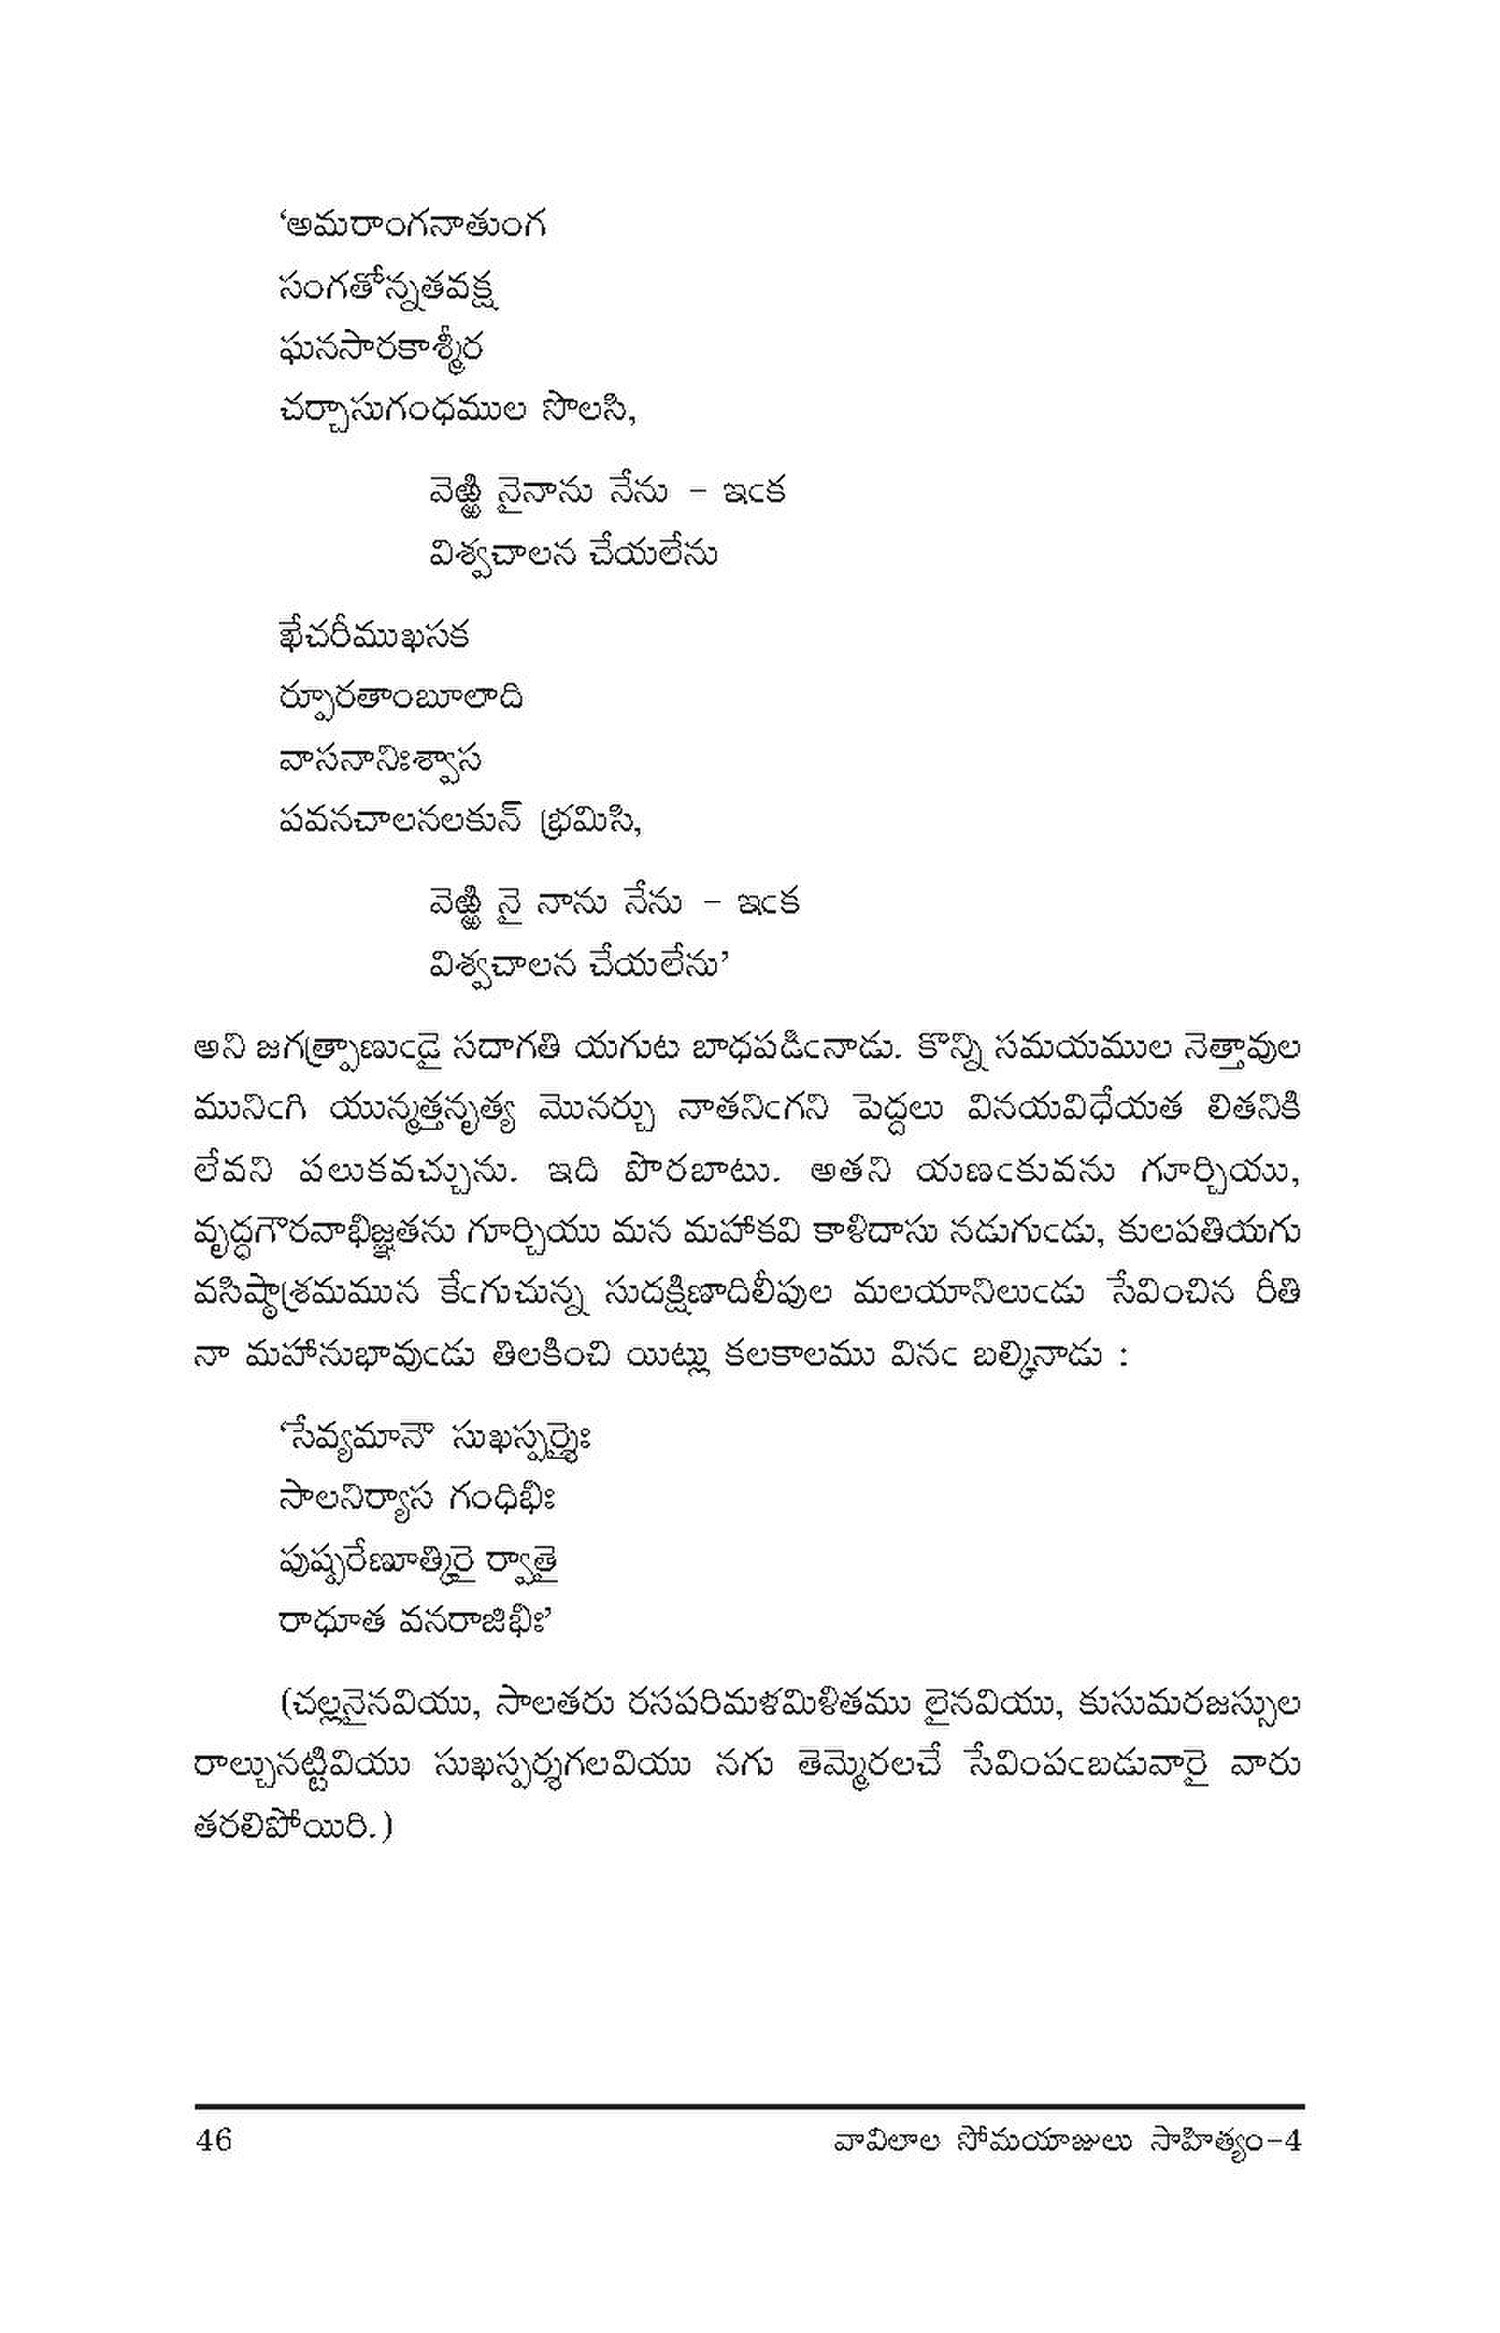‘అమరాంగనాతుంగ
సంగతోన్నతవక్ష
ఘనసారకాశ్మీర
చర్చాసుగంధముల సొలసి,

 వెఱ్ఱి నైనాను నేను - ఇఁక 
 విశ్వచాలన చేయలేను

ఖేచరీముఖసక
ర్పూరతాంబూలాది
వాసనానిఃశ్వాస
పవనచాలనలకున్ భ్రమిసి,

 వెఱ్ఱి నైనాను నేను ఇఁక
 విశ్వచాలన చేయలేను”

అని జగత్ప్రణుఁడై సదాగతి యగుట బాధపడిఁనాడు. కొన్ని సమయముల నెత్తావులు
మునిఁగి యున్మత్తనృత్య మొనర్చు నాతనిఁగని పెద్దలు వినయవిధేయత లితనికి
లేవని పలుకవచ్చును. ఇది పొరబాటు. అతని యణఁకువను గూర్చియు,
వృద్ధగౌరవాభిజ్ఞతను గూర్చియు మన మహాకవి కాళిదాసు నడుగుఁడు, కులపతియగు
వసిష్టాశ్రమమున కేఁగుచున్న సుదక్షిణాదిలీపుల మలయానిలుఁడు సేవించిన రీతి
నా మహానుభావుఁడు తిలకించి యిట్లు కలకాలము వినఁ బల్కినాడు :

 'సేవ్యమానౌ సుఖస్పర్శైః
 సాలనిర్యాస గంధిభిః
 పుష్పరేణూత్కిరై ర్వాతై
 రాధూత వనరాజిభిః'

(చల్లనైనవియు, సాలతరు రసపరిమళమిళితము లైనవియు, కుసుమరజస్సుల
రాల్చునట్టివియు సుఖస్పర్శగలవియు నగు తెమ్మెరలచే సేవింపఁబడువారై వారు
తరలిపోయిరి.)